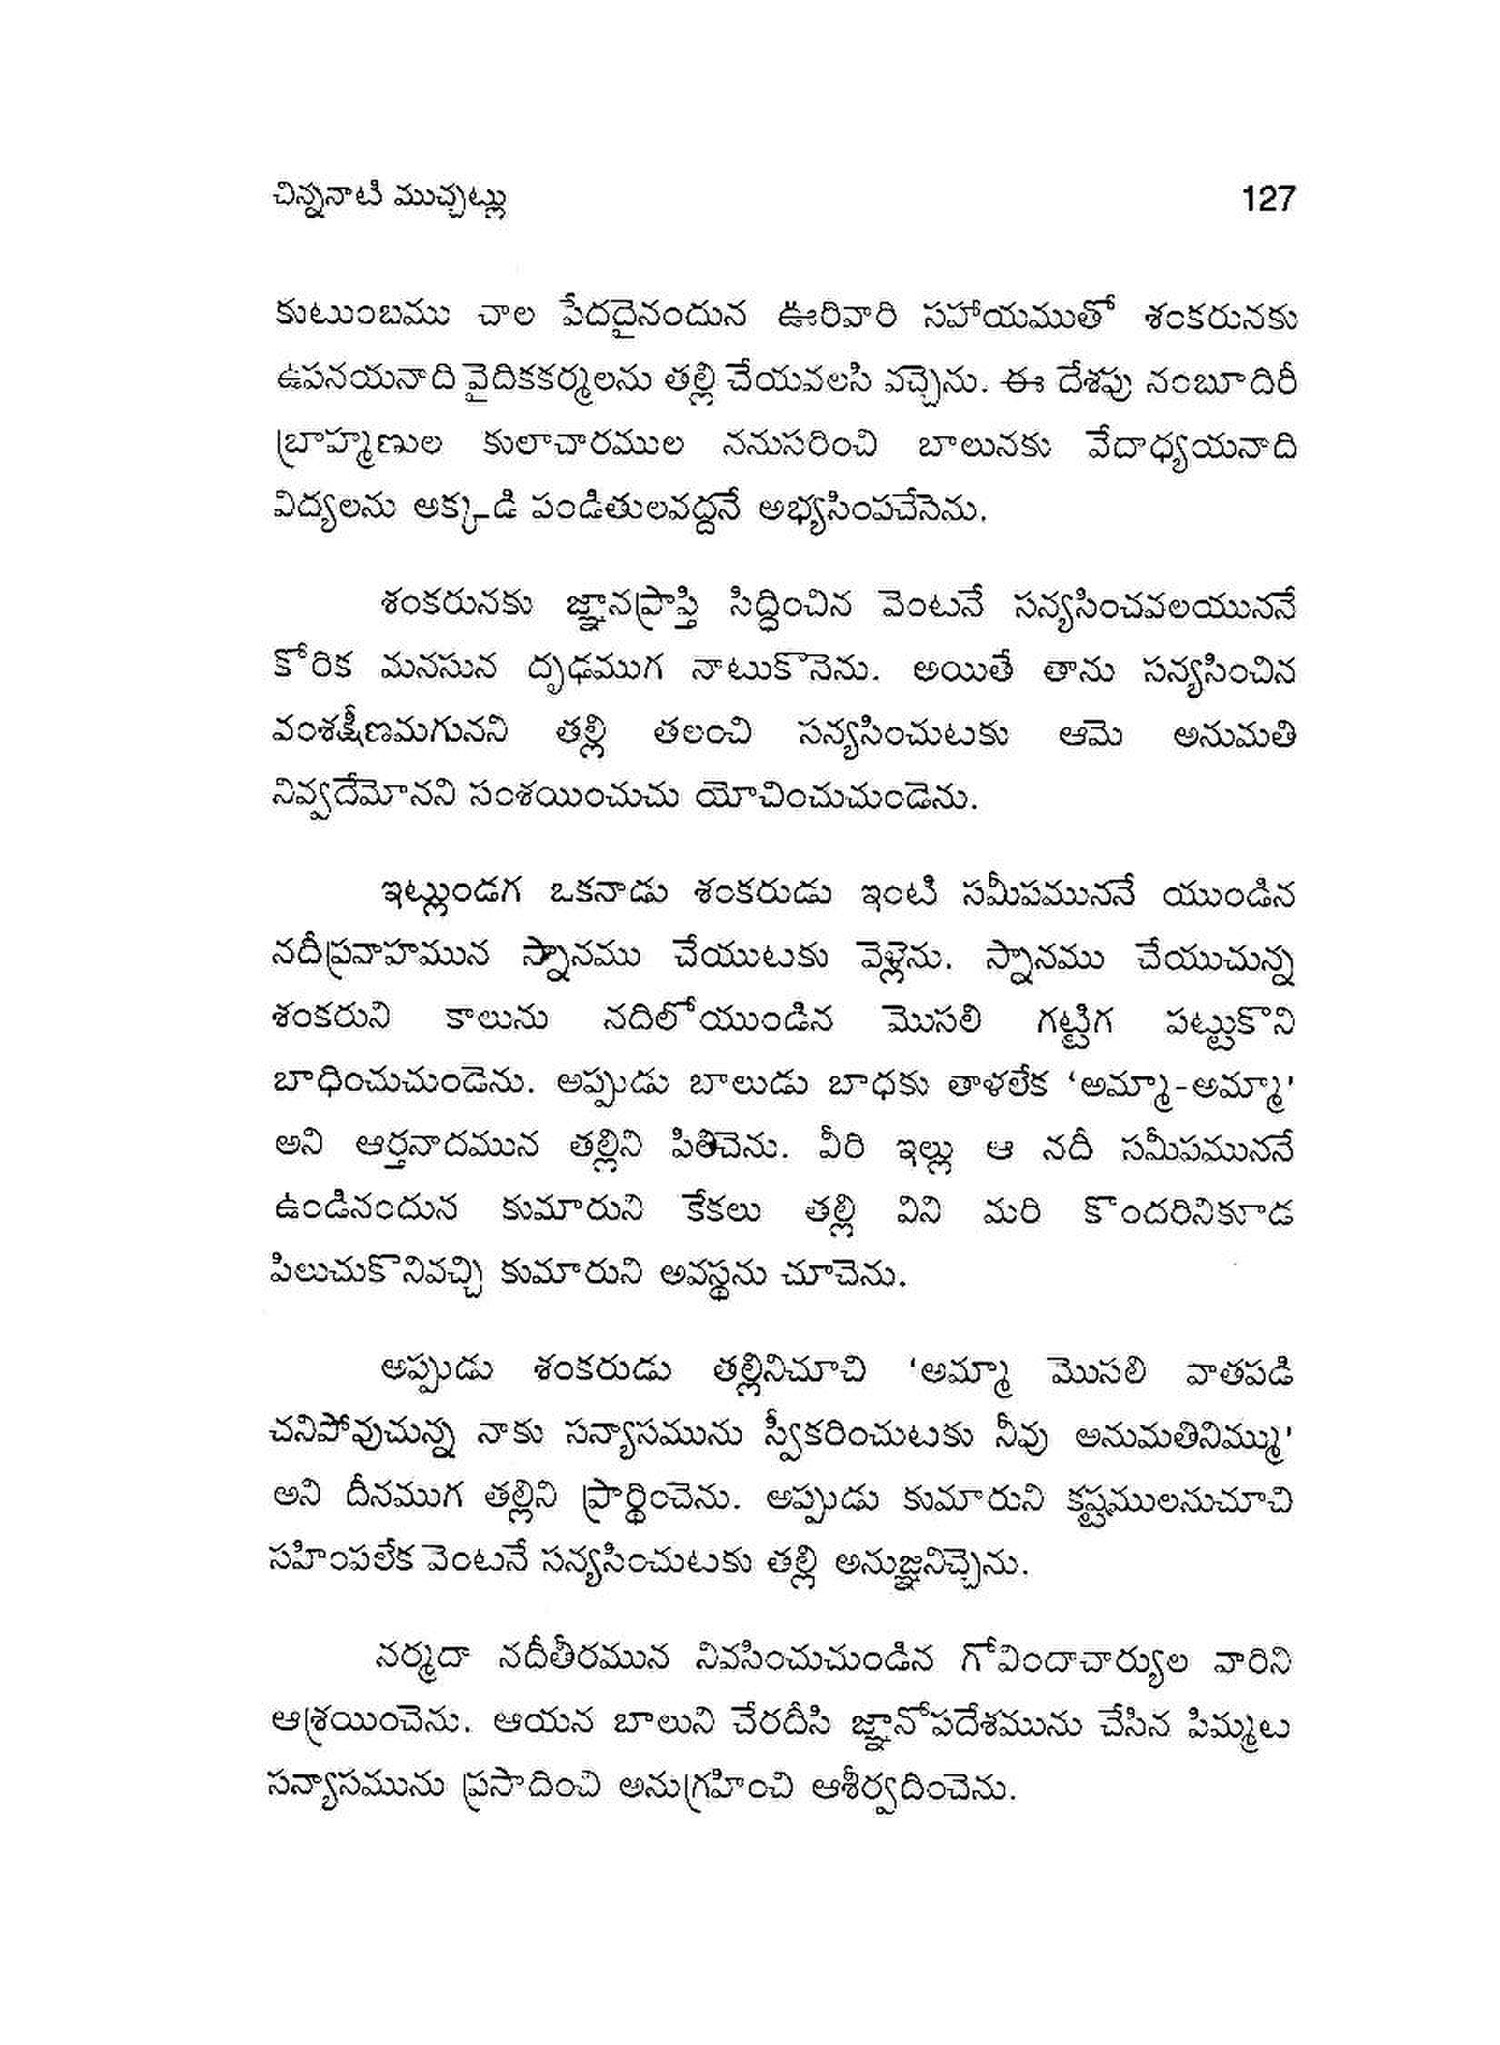కుటుంబము చాల పేదదైనందున ఊరివారి సహాయముతో శంకరునకు ఉపనయనాది వైదికకర్మలను తల్లి చేయవలసి వచ్చెను. ఈ దేశపు నంబూదిరీ బ్రాహ్మణుల కులాచారముల ననుసరించి బాలునకు వేదాధ్యయనాది విద్యలను అక్కడి పండితులవద్దనే అభ్యసింపచేసెను.

శంకరునకు జ్ఞానప్రాప్తి సిద్దించిన వెంటనే సన్యసించవలయుననే కోరిక మనసున దృఢముగ నాటుకొనెను. అయితే తాను సన్యసించిన వంశక్షీణమగునని తల్లి తలంచి సన్యసించుటకు ఆమె అనుమతి నివ్వదేమోనని సంశయించుచు యోచించుచుండెను.

ఇటుండగ ఒకనాడు శంకరుడు ఇంటి సమీపముననే యుండిన నదీప్రవాహమున స్నానము చేయుటకు వెళ్లెను. స్నానము చేయుచున్న శంకరుని కాలును నదిలో యుండిన మొసలి గట్టిగ పట్టుకొని బాధించుచుండెను. అప్పడు బాలుడు బాధకు తాళలేక 'అమ్మా-అమ్మా! అని ఆర్తనాదమున తల్లిని పిలిచెను. వీరి ఇల్లు ఆ నదీ సమీపముననే ఉండినందున కుమారుని కేకలు తల్లి విని మరి కొందరినికూడ పిలుచుకొనివచ్చి కుమారుని అవస్థను చూచెను.

అప్పడు శంకరుడు తల్లినిచూచి 'అమ్మా మొసలి వాతపడి చనిపోవుచున్న నాకు సన్యాసమును స్వీకరించుటకు నీవు అనుమతినిమ్మ" అని దీనముగ తల్లిని ప్రార్థించెను. అప్పడు కుమారుని కష్టములనుచూచి సహింపలేక వెంటనే సన్యసించుటకు తల్లి అనుజ్ఞనిచ్చెను.

నర్మదా నదీతీరమున నివసించుచుండిన గోవిందాచార్యుల వారిని ఆశ్రయించెను. ఆయన బాలుని చేరదీసి జ్ఞానోపదేశమును చేసిన పిమ్మట సన్యాసమును ప్రసాదించి అనుగ్రహించి ఆశీర్వదించెను.